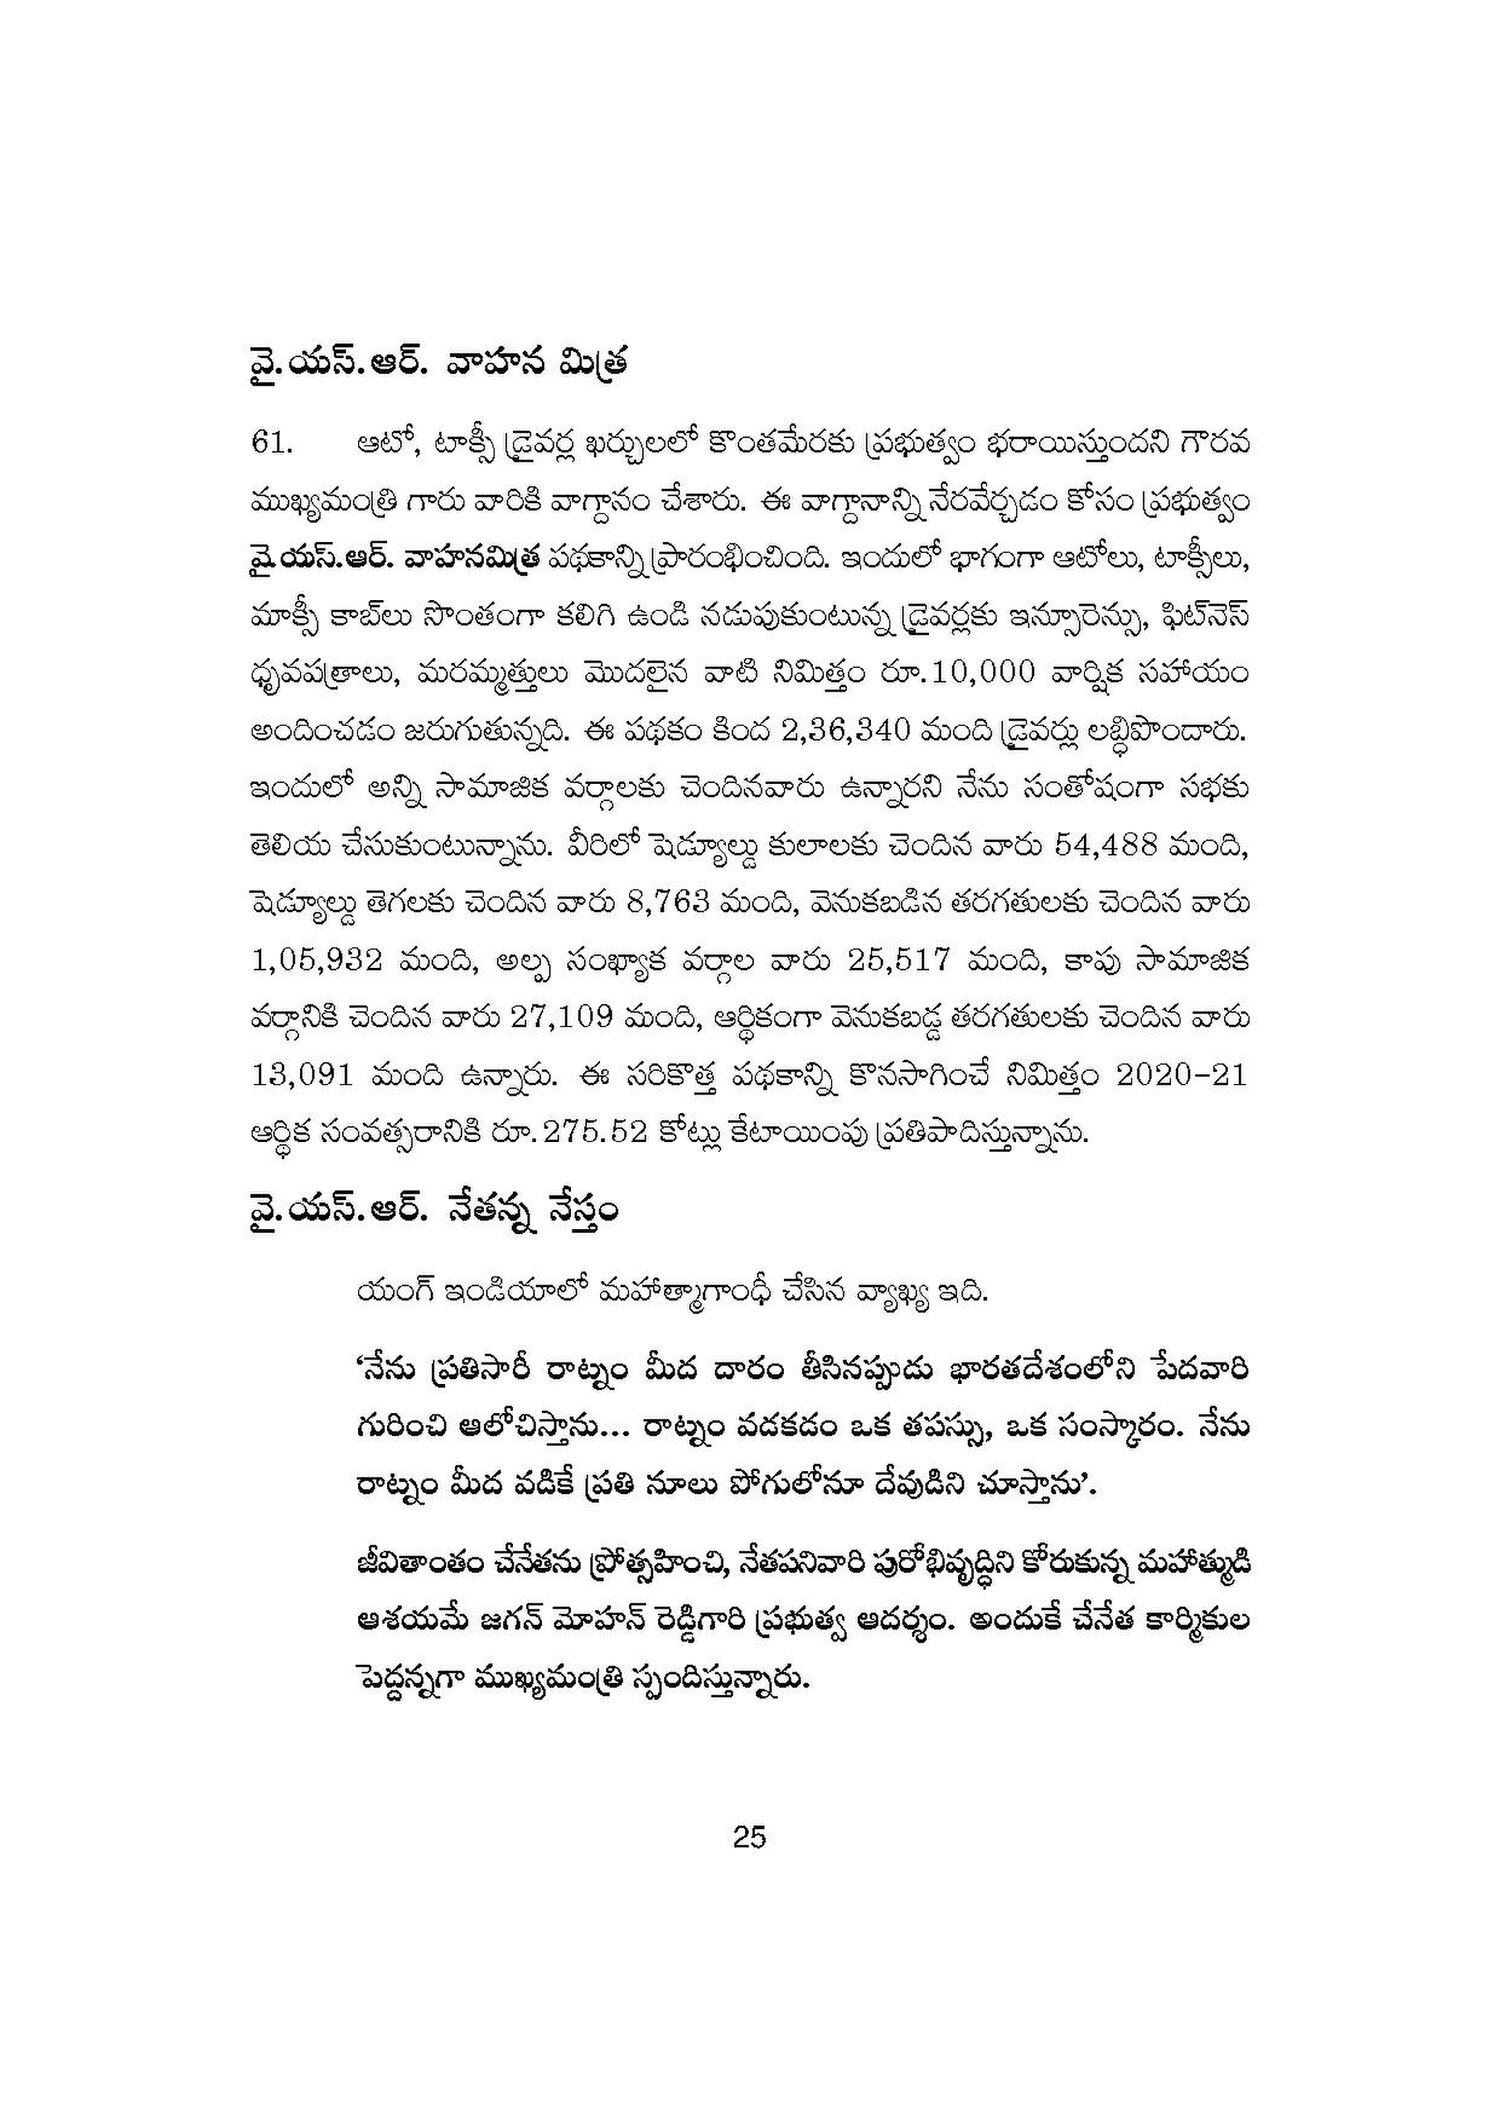వై.యస్.ఆర్. వాహన మిత్ర 

61. ఆటో, టాక్సీ డ్రైవర్ల ఖర్చులలో కొంతమేరకు ప్రభుత్వం భరాయిస్తుందని గౌరవ ముఖ్యమంత్రి గారు వారికి వాగ్దానం చేశారు. ఈ వాగ్దానాన్ని నేరవేర్చడం కోసం ప్రభుత్వం వైయస్.ఆర్. వాహనమిత్ర పథకాన్ని ప్రారంభించింది. ఇందులో భాగంగా ఆటోలు, టాక్సీలు, మాక్సీ కాబ్లు సొంతంగా కలిగి ఉండి నడుపుకుంటున్న డ్రైవర్లకు ఇన్సూరెన్సు, ఫిట్ నెస్ ధృవపత్రాలు, మరమ్మత్తులు మొదలైన వాటి నిమిత్తం రూ.10,000 వార్షిక సహాయం అందించడం జరుగుతున్నది. ఈ పథకం కింద 2,36,340 మంది డ్రైవర్లు లబ్ధి పొందారు. ఇందులో అన్ని సామాజిక వర్గాలకు చెందినవారు ఉన్నారని నేను సంతోషంగా సభకు తెలియ చేసుకుంటున్నాను. వీరిలో షెడ్యూల్డు కులాలకు చెందిన వారు 54,488 మంది, షెడ్యూల్డు తెగలకు చెందిన వారు 8,763 మంది, వెనుకబడిన తరగతులకు చెందిన వారు 1,05,932 మంది, అల్ప సంఖ్యాక వర్గాల వారు 25,517 మంది, కాపు సామాజిక వర్గానికి చెందిన వారు 27,109 మంది, ఆర్థికంగా వెనుకబడ్డ తరగతులకు చెందిన వారు 13,091 మంది ఉన్నారు. ఈ సరికొత్త పథకాన్ని కొనసాగించే నిమిత్తం 2020-21 ఆర్థిక సంవత్సరానికి రూ.275.52 కోట్లు కేటాయింపు ప్రతిపాదిస్తున్నాను. 

వై.యస్.ఆర్. నేతన్న నేస్తం
యంగ్ ఇండియాలో మహాత్మాగాంధీ చేసిన వ్యాఖ్య ఇది. 
'నేను ప్రతిసారీ రాట్నం మీద దారం తీసినప్పుడు భారతదేశంలోని పేదవారి గురించి ఆలోచిస్తాను... రాట్నం వడకడం ఒక తపస్సు, ఒక సంస్కారం. నేను రాట్నం మీద వడికే ప్రతి నూలు పోగులోనూ దేవుడిని చూస్తాను'.

జీవితాంతం చేనేతను ప్రోత్సహించి, నేతపనివారి పురోభివృద్ధిని కోరుకున్న మహాత్ముడి ఆశయమే జగన్ మోహన్ రెడ్డిగారి ప్రభుత్వ ఆదర్శం. అందుకే చేనేత కార్మికుల పెద్దన్నగా ముఖ్యమంత్రి స్పందిస్తున్నారు.